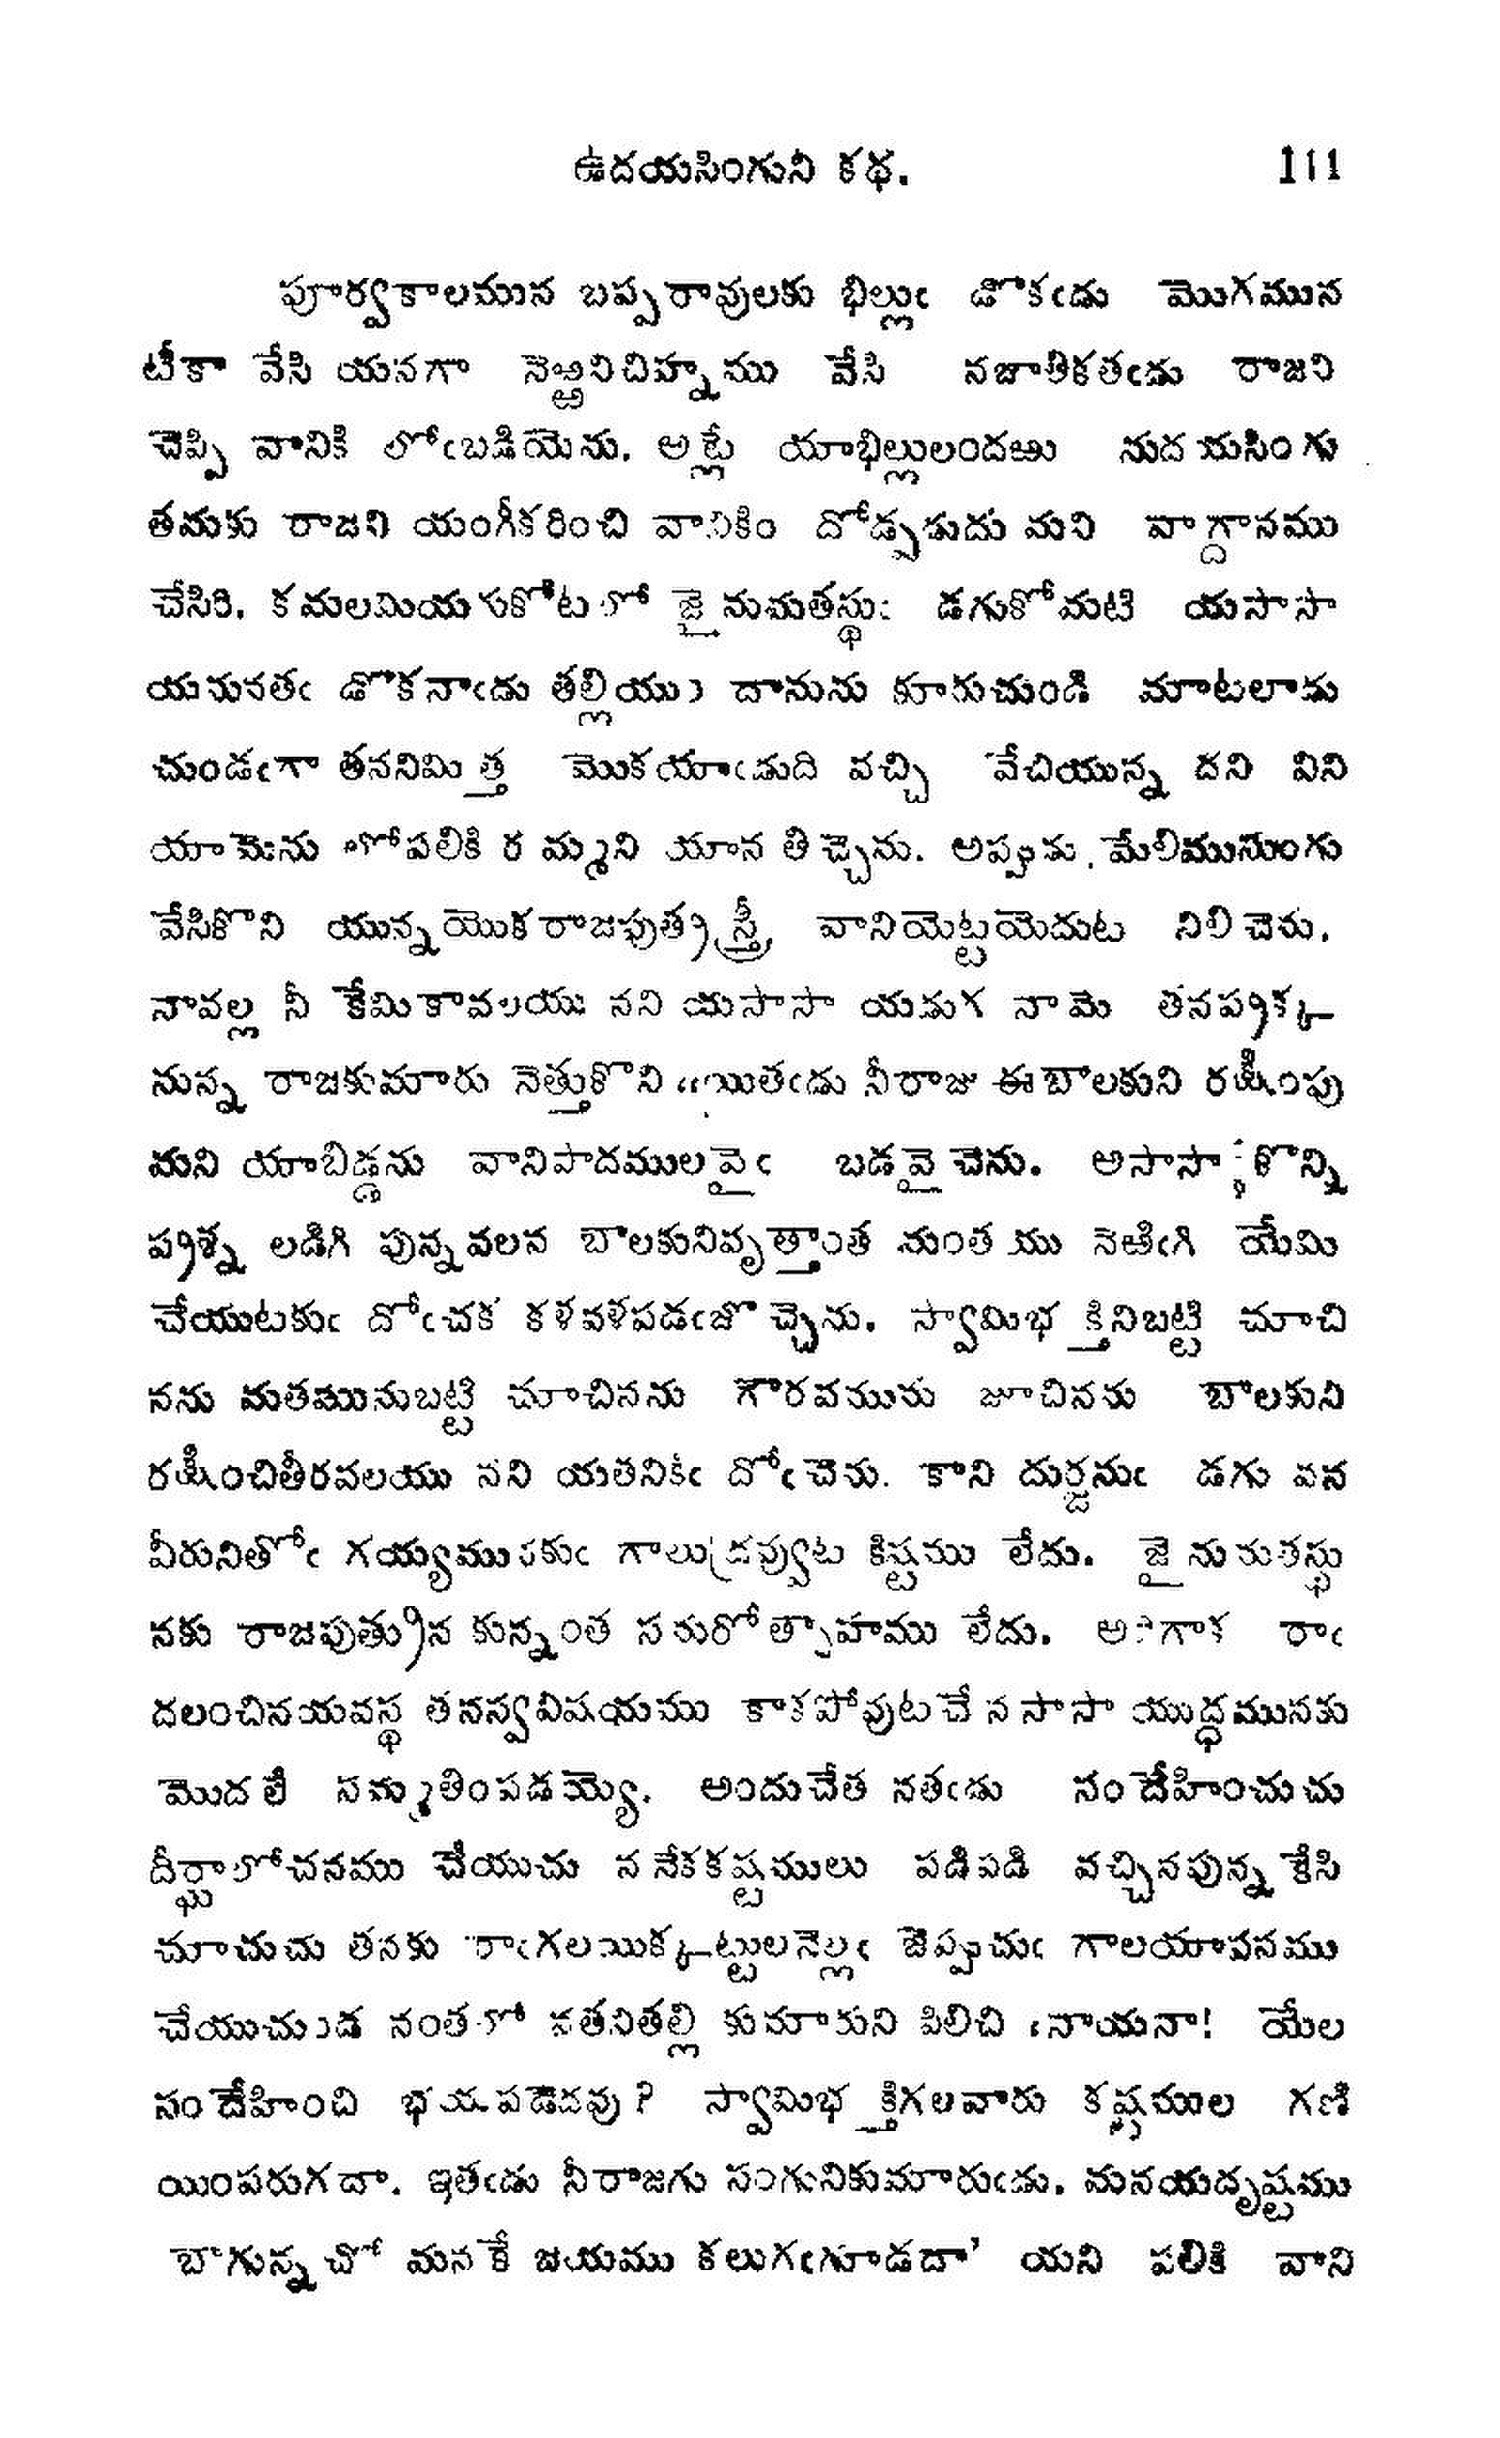పూర్వకాలమున బప్పరావులకు భిల్లుఁ డొకఁడు మొగమున టీకా వేసి యనగా నెఱ్ఱని చిహ్నము వేసి నజాతికతఁడు రాజని చెప్పి వానికి లోఁబడియెను. అట్లే యాభిల్లులందఱు నుదయసింగు తనుకు రాజని యంగీకరించి వానికిం దోడ్పడుదు మని వాగ్దానము చేసిరి. కమలమియరుకోట లో జైనుమతస్థు: డగుకోమటి యసాసా యనునతఁ డొకనాఁడు తల్లియుం దానును కూరుచుండి మాటలాడుచుండఁగా తననిమిత్త మొక యాఁడుది వచ్చి వేచియున్న దని విని యామెను లోపలికి రమ్మని యానతిచ్చెను. అప్పుడు, మేలిముసుంగు వేసికొని యున్న యొక రాజపుత్ర స్త్రీ వానియెట్టయెదుట నిలిచెను, నావల్ల నీ కేమి కావలయు నని యసాసా యడుగ నామె తన పక్కనున్న రాజకుమారు నెత్తుకొని "యితఁడు నీరాజు ఈ బాలకుని రక్షింపుమని యాబిడ్డను వాని పాదములపైఁ బడ వైచెను. అసాసా కొన్ని ప్రశ్న లడిగి పున్నవలన బాలకునివృత్తాంత మంత యు నెఱిఁగి యేమి చేయుటకుఁ దోఁచక కళవళపడఁజొచ్చెను. స్వామిభ క్తినిబట్టి చూచినను మతమునుబట్టి చూచినను గౌరవమును జూచినను బాలకుని రక్షించితీరవలయు నని యతనికిఁ దోఁచెను. కాని దుర్జనుఁ డగు వనవీరునితోఁ గయ్యము నకుఁ గాలు డ్రవ్వుట కిష్టము లేదు. జైనుమతస్థునకు రాజపుత్రున కున్నంత సమరోత్సాహము లేదు. అదిగాక రాఁదలంచిన యవస్థ తనస్వ విషయము కాకపోవుటచే నసాసా యుద్ధమునకు మొదలే సమ్మతింపడయ్యె. అందుచేత నతఁడు సందేహించుచు దీర్ఘాలోచనము చేయుచు ననేక కష్టములు పడిపడి వచ్చినపున్న కేసి చూచుచు తనకు రాఁగల యిక్కట్టులనెల్లఁ జెప్పుచుఁ గాలయాపనము చేయుచుండ నంతలో నతనితల్లి కుమారుని పిలిచి నాయనా! యేల సందేహించి భయపడెదవు? స్వామిభ క్తిగలవారు కష్టముల గణియింపరుగదా. ఇతఁడు నీ రాజగు సంగునికుమారుఁడు. మనయదృష్టము బాగున్నచో మనకే జయము కలుగఁగూడదా' యని పలికి వాని